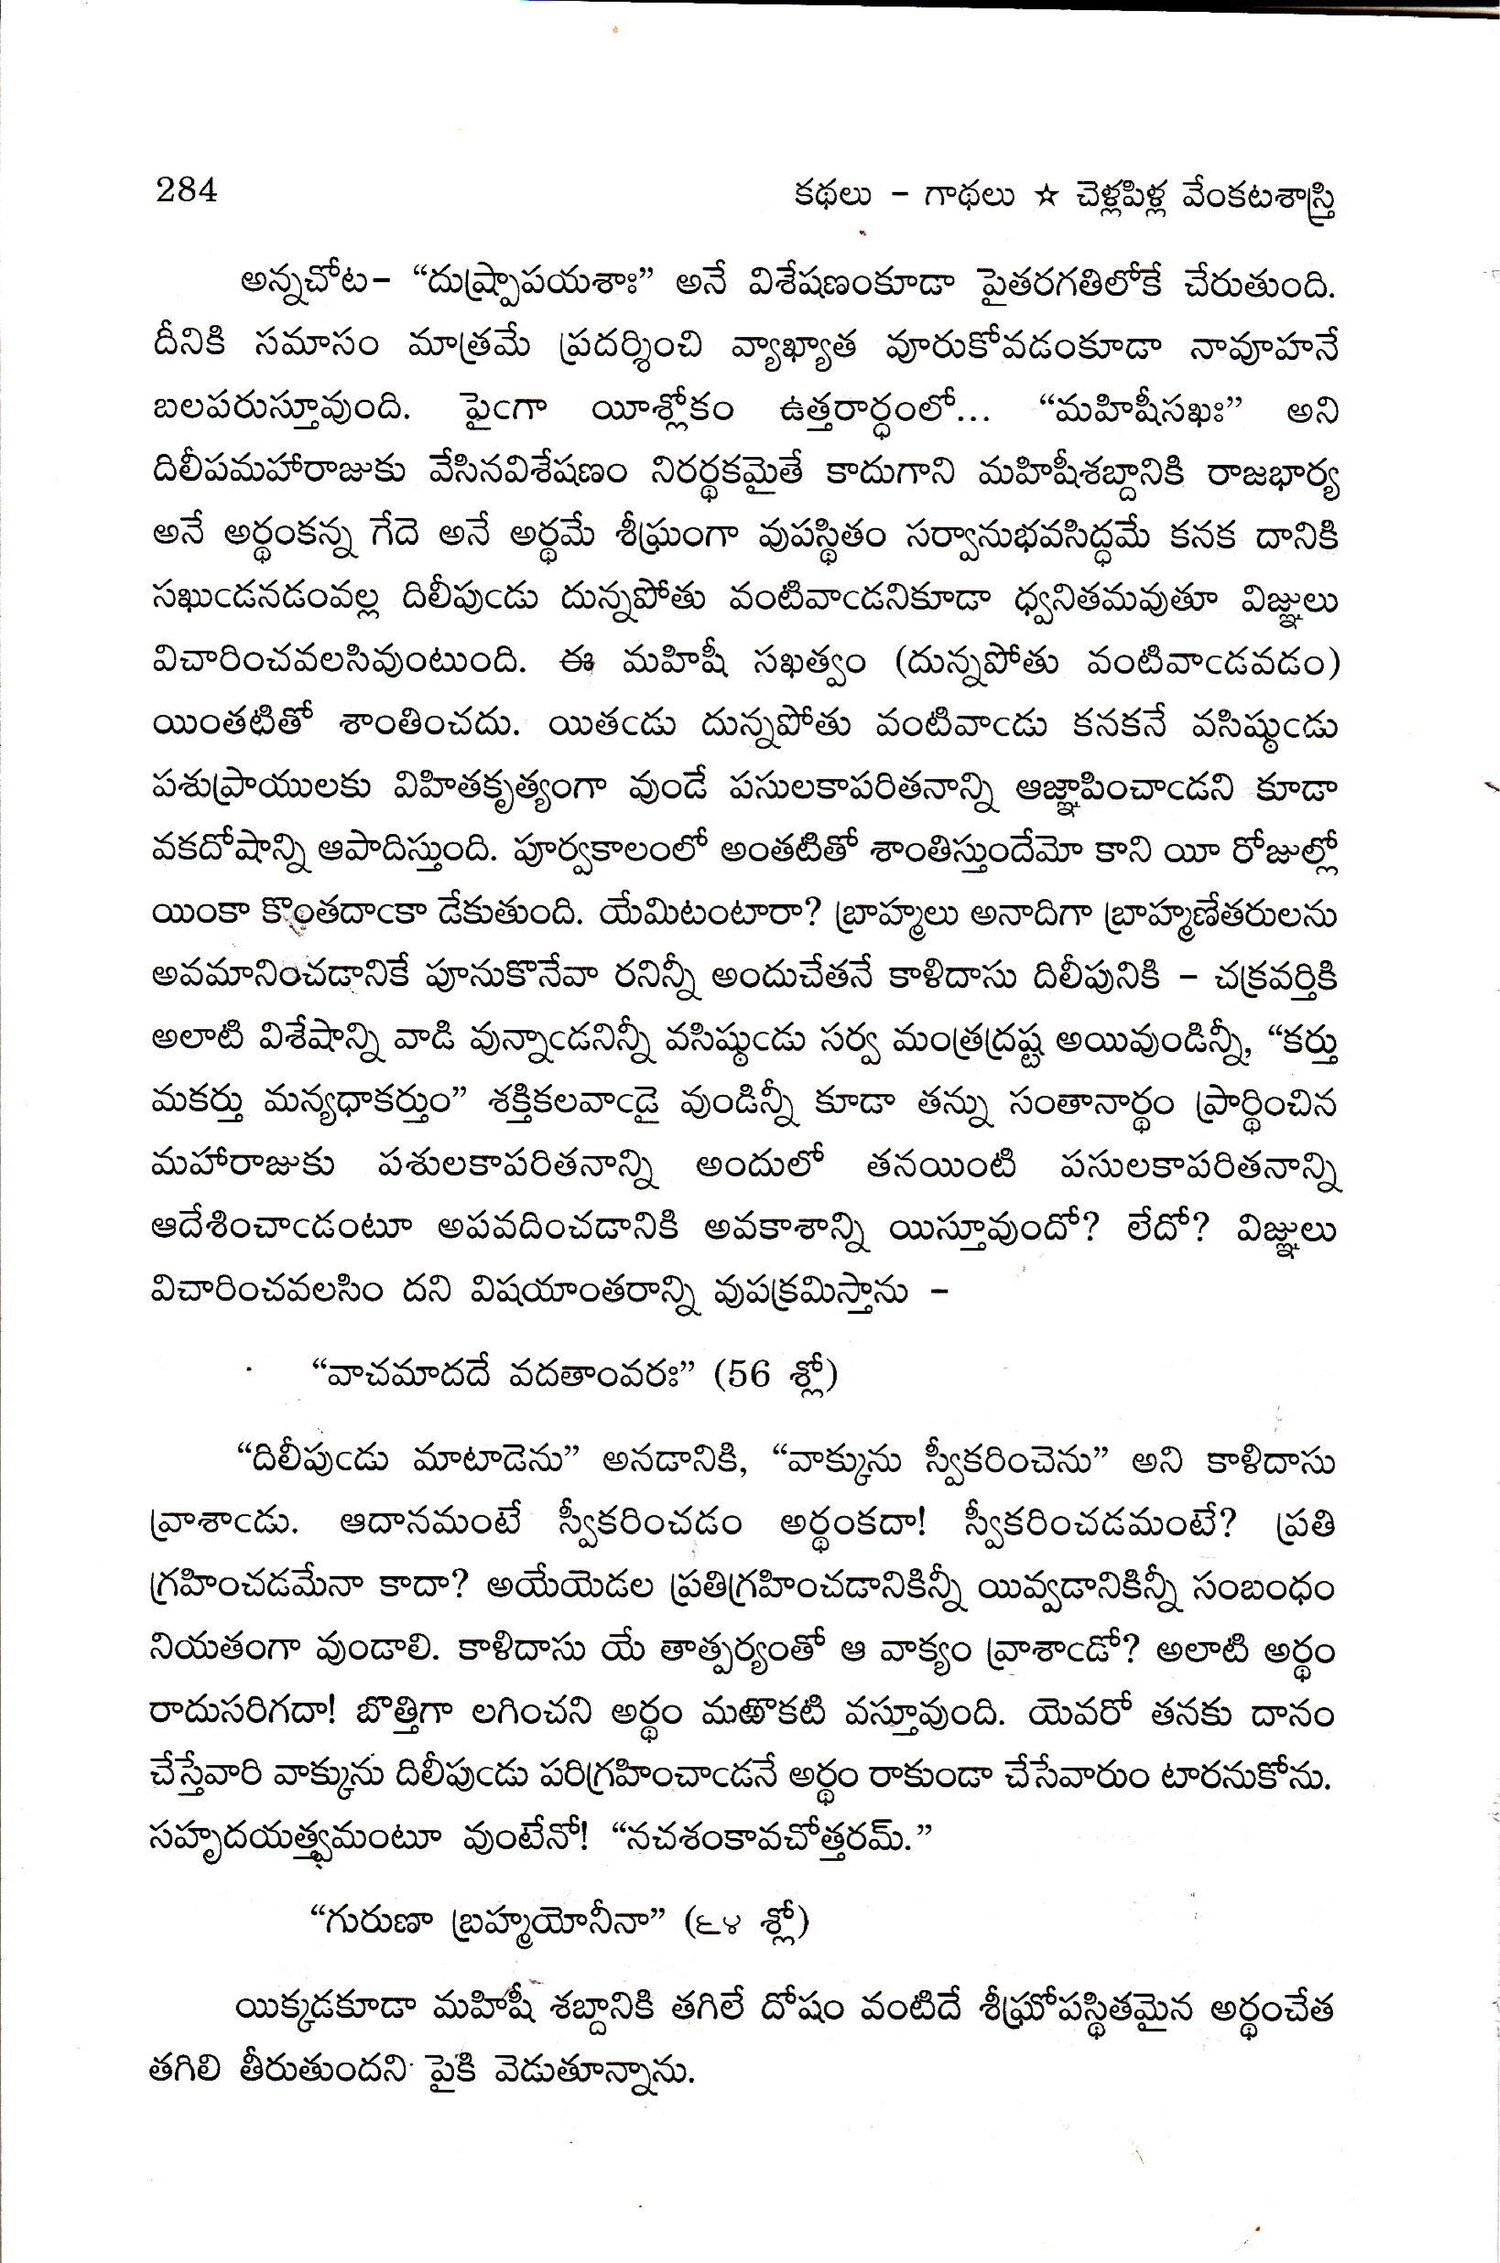అన్నచోట- “దుష్ప్రాపయశాః’ అనే విశేషణంకూడా పైతరగతిలోకే చేరుతుంది. దీనికి సమాసం మాత్రమే ప్రదర్శించి వ్యాఖ్యాత వూరుకోవడంకూడా నావూహనే బలపరుస్తూవుంది. పైఁగా యీశ్లోకం ఉత్తరార్ధంలో... “మహిషీసఖః" అని దిలీపమహారాజుకు వేసినవిశేషణం నిరర్థకమైతే కాదుగాని మహిషీశబ్దానికి రాజభార్య అనే అర్థంకన్న గేదె అనే అర్ధమే శీఘ్రంగా వుపస్థితం సర్వానుభవసిద్ధమే కనక దానికి సఖుఁడనడంవల్ల దిలీపుఁడు దున్నపోతు వంటివాఁడనికూడా ధ్వనితమవుతూ విజ్ఞులు విచారించవలసివుంటుంది. ఈ మహిషీ సఖత్వం (దున్నపోతు వంటివాఁడవడం) యింతటితో శాంతించదు. యితఁడు దున్నపోతు వంటివాఁడు కనకనే వసిష్ఠుఁడు పశుప్రాయులకు విహితకృత్యంగా వుండే పసులకాపరితనాన్ని ఆజ్ఞాపించాఁడని కూడా వకదోషాన్ని ఆపాదిస్తుంది. పూర్వకాలంలో అంతటితో శాంతిస్తుందేమో కాని యీ రోజుల్లో యింకా కొంతదాఁకా డేకుతుంది. యేమిటంటారా? బ్రాహ్మలు అనాదిగా బ్రాహ్మణేతరులను అవమానించడానికే పూనుకొనేవా రనిన్నీ అందుచేతనే కాళిదాసు దిలీపునికి - చక్రవర్తికి అలాటి విశేషాన్ని వాడి వున్నాఁడనిన్నీ వసిష్ఠుఁడు సర్వ మంత్రద్రష్ట అయివుండిన్నీ “కర్తు మకర్తు మన్యధాకర్తుం" శక్తికలవాఁడై వుండిన్నీ కూడా తన్ను సంతానార్ధం ప్రార్ధించిన మహారాజుకు పశులకాపరితనాన్ని అందులో తనయింటి పసులకాపరితనాన్ని ఆదేశించాఁడంటూ అపవదించడానికి అవకాశాన్ని యిస్తూవుందో? లేదో? విజ్ఞులు విచారించవలసిం దని విషయాంతరాన్ని వుపక్రమిస్తాను -

“వాచమాదదే వదతాంవరః” (56 శ్లో)
“దిలీపుఁడు మాటాడెను" అనడానికి, "వాక్కును స్వీకరించెను" అని కాళిదాసు వ్రాశాఁడు. ఆదానమంటే స్వీకరించడం అర్థంకదా! స్వీకరించడమంటే? ప్రతి గ్రహించడమేనా కాదా? అయేయెడల ప్రతిగ్రహించడానికిన్నీ యివ్వడానికిన్నీ సంబంధం నియతంగా వుండాలి. కాళిదాసు యే తాత్పర్యంతో ఆ వాక్యం వ్రాశాఁడో? అలాటి అర్థం రాదుసరిగదా! బొత్తిగా లగించని అర్థం మఱొకటి వస్తూవుంది. యెవరో తనకు దానం చేస్తేవారి వాక్కును దిలీపుఁడు పరిగ్రహించాఁడనే అర్థం రాకుండా చేసేవారుం టారనుకోను. సహృదయత్త్వమంటూ వుంటేనో! “నచశంకావచోత్తరమ్.”

“గురుణా బ్రహ్మయోనీనా" (64 శ్లో)
యిక్కడకూడా మహిషీ శబ్దానికి తగిలే దోషం వంటిదే శీఘ్రోపస్థితమైన అర్ధంచేత తగిలి తీరుతుందని పైకి వెడుతూన్నాను.